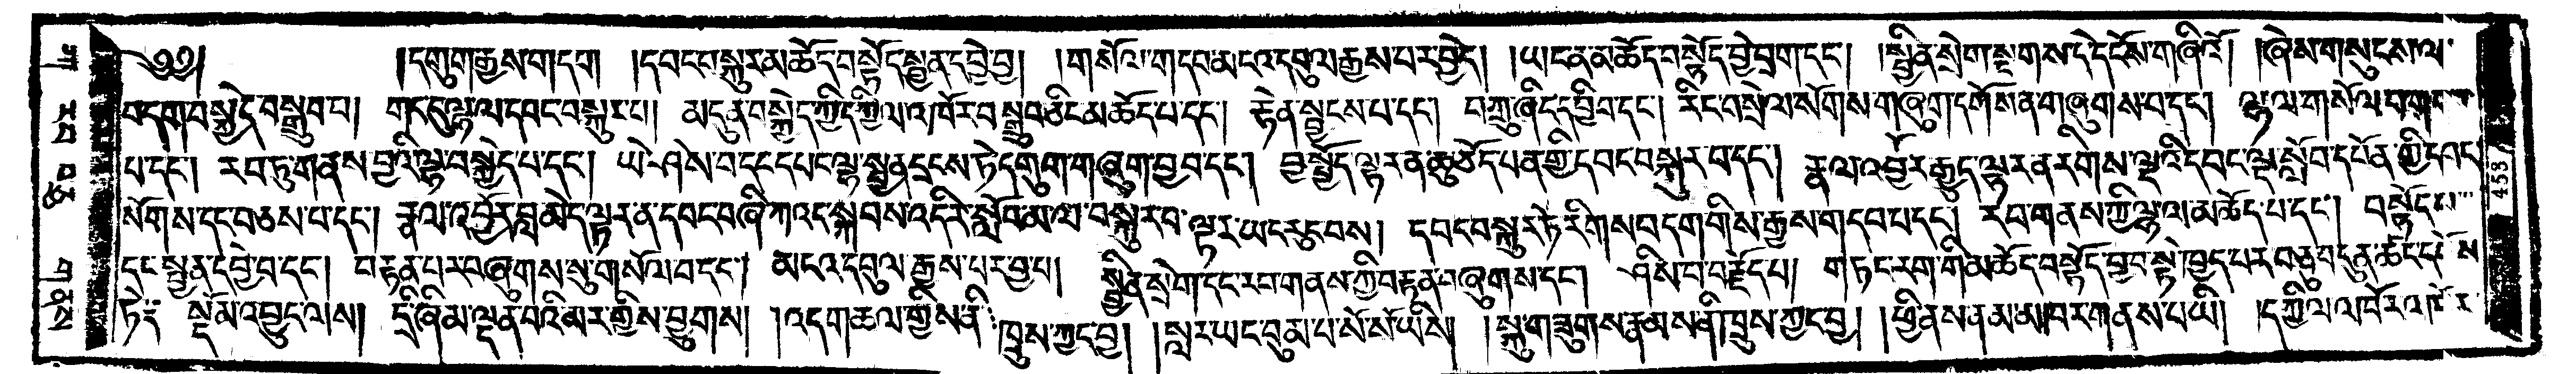༄༅། །དགུག་རྒྱས་གདབ། །དབང་བསྐུར་མཆོད་བསྟོད་སྦྱན་དབྱེ་བྱ། །གསོལ་གདབ་མངའ་དབུལ་རྒྱས་པར་བྱེད། །ཡང་ན་མཆོད་བསྟོད་བྱེ་བྲག་དང་། །སྦྱིན་སྲེག་སྔགས་དེ་དངོས་གཞིའོ། །ཞེས་གསུངས་ལ་
བདག་བསྐྱེད་བསྒྲུབ་པ། གང་དུ་ལྷ་ལ་དབང་བསྐུར་པ། མདུན་བསྐྱེད་ཀྱི་དཀྱིལ་འཁོར་བསྒྲུབ་ཅིང་མཆོད་པ་དང་། རྟེན་སྦྱངས་པ་དང་། བཀྲུ་ཞིང་དབྱིབ་དང་། རིང་བསྲེལ་སོགས་གཞུག་དགོས་ན་གཞུགས་པ་དང་། ལྷ་ལ་གསོལ་བ་གང?
པ་དང་། རབ་ཏུ་གནས་བྱའི་ལྷ་བསྐྱེད་པ་དང་། ཡེ་ཤེས་པ་དང་དཔང་ལྷ་སྤྱན་དྲངས་ཏེ་དགུག་གཞུག་བྱ་བ་དང་། བྱ་སྤྱོད་ལྟར་ན་ཆུ་ཅོད་པན་གྱི་དབང་བསྐུར་བ་དང་། རྣལ་འབྱོར་རྒྱུད་ལྟར་ན་རགས་ལྔའི་དབང་ལྔ་སློབ་དཔོན་གྱི་དབང་
སོགས་དང་བཅས་པ་དང་། རྣལ་འབྱོར་བླ་མེད་ལྟར་ན་དབང་བཞི་ཀའང་སྐབས་འདིར་སློབ་མ་ལ་བསྐུར་བ་ལྟར་ཡང་རུང་བས། དབང་བསྐུར་ཏེ་རིགས་བདག་གིས་རྒྱས་གདབ་པ་དང་། རབ་གནས་ཀྱི་ལྷ་ལ་མཆོད་པ་དང་། བསྟོད་པ་
དང་སྤྱན་དབྱེ་བ་དང་། བརྟན་པར་བཞུགས་སུ་གསོལ་བ་དང་། མངའ་དབུལ་རྒྱས་པར་བྱ་པ། སྦྱིན་སྲེག་དང་རབ་གནས་ཀྱི་བརྟན་བཞུགས་དང་། ཤིས་པ་བརྗོད་པ། གཏང་རག་གི་མཆོད་བསྟོད་བྱ་བ་སྟེ་ཁྱད་པར་བཅུ་བདུན་ཚད་དངོས་
ཏེ། སྡོམ་འབྱུང་ལས། དྲི་ཞིམ་ལྡན་བའི་མར་གྱིས་བྱུགས། །འདག་ཆལ་གྱིས་ནི་ཁྲུས་ཀྱང་བྱ། །སླར་ཡང་བུམ་པ་སོ་སོ་ཡིས། །སྐུ་གཟུགས་རྣམས་ནི་ཁྲུས་ཀྱང་བྱ། །ཕྱི་ནས་ནམ་མཁར་གནས་པ་ཡི། །དཀྱིལ་འཁོར་འཁོར་